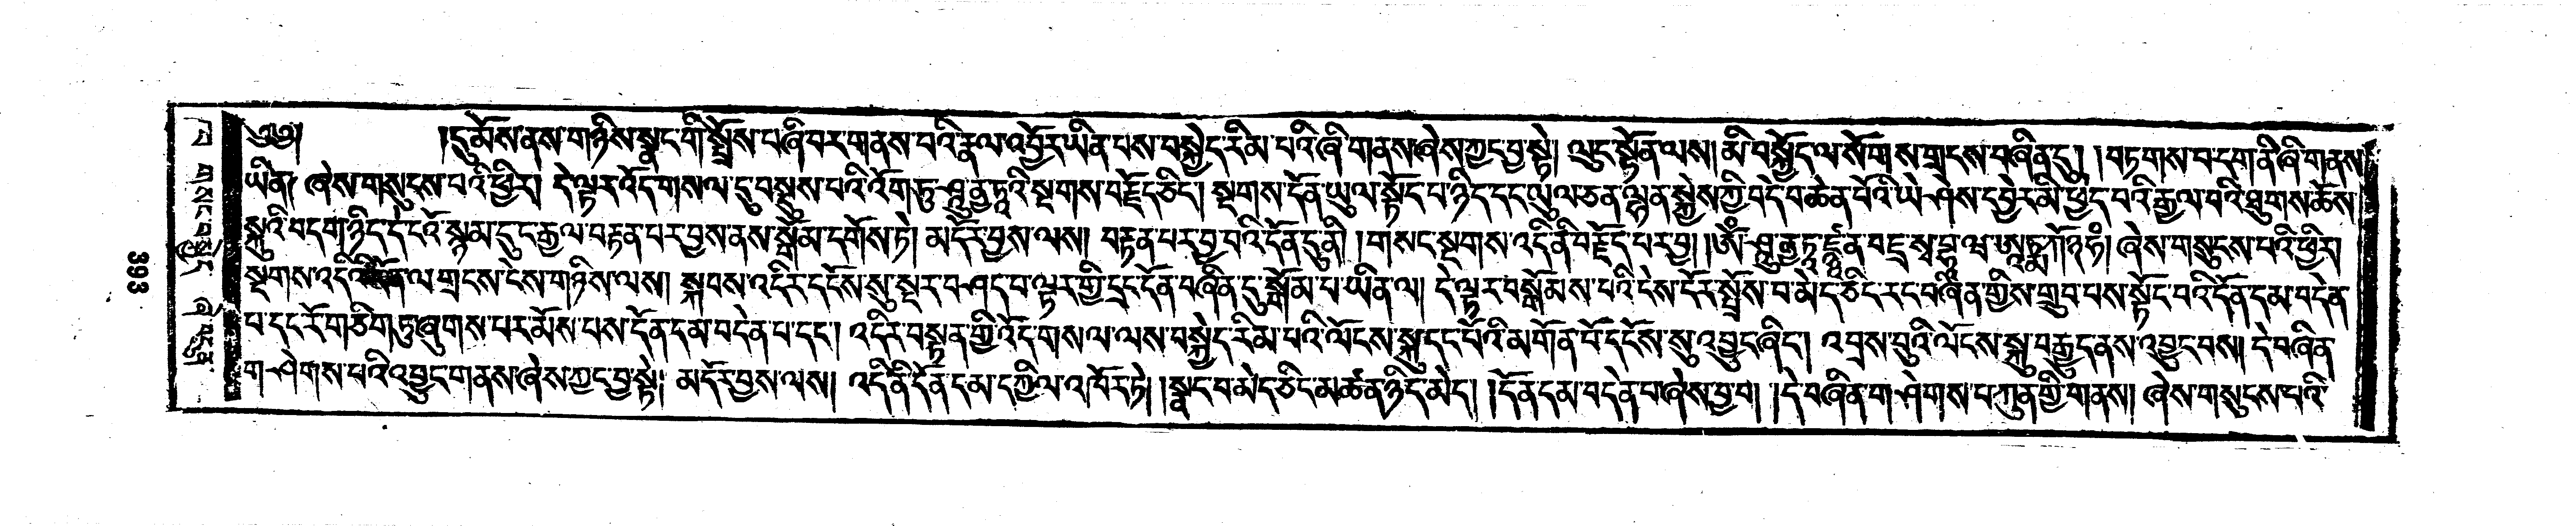༄༅། །དུ་མོས་ནས་གཉིས་སྣང་གི་སྤྲོས་པ་ཞི་བར་གནས་པའི་རྣལ་འབྱོར་ཡིན་པས་བསྐྱེད་རིམ་པའི་ཞི་གནས་ཞེས་ཀྱང་བྱ་སྟེ། ལུང་སྟོན་ལས། མི་བསྐྱོད་ལ་སོགས་གྲངས་བཞིན་དུ། །བཏགས་པ་དག་ནི་ཞི་གནས་
ཡིན༑ ཞེས་གསུངས་པའི་ཕྱིར། དེ་ལྟར་འོད་གསལ་དུ་བསྡུས་པའི་འོག་ཏུ་ཤཱུ་ནྱ་ཏཱའི་སྔགས་བརྗོད་ཅིང་། སྔགས་དོན་ཡུལ་སྟོང་པ་ཉིད་དང་ཡུལ་ཅན་ལྷན་སྐྱེས་ཀྱི་བདེ་བ་ཆེན་པོའི་ཡེ་ཤེས་དབྱེར་མི་ཕྱེད་པའི་རྒྱལ་བའི་ཐུགས་ཆོས་
སྐུའི་བདག་ཉིད་དེ་ངའོ་སྙམ་དུ་ང་རྒྱལ་བརྟན་པར་བྱས་ནས་སྒོམ་དགོས་ཏེ། མདོར་བྱས་ལས། བརྟན་པར་བྱ་བའི་དོན་དུ་ནི། །གསང་སྔགས་འདི་ནི་བརྗོད་པར་བྱ། །ཨོཾ་ཤཱུ་ནྱ་ཏཱུ་ཛྙཱན་བཛྲ་སྭཱབྷཱ་ཝ་ཨཱཉྨ་ཀོཉ་ཧཾ། ཞེས་གསུངས་པའི་ཕྱིར།
སྔགས་འདིའི་དོན་ལ་གྲངས་ངེས་གཉིས་ལས། སྐབས་འདིར་དངོས་སུ་སྔར་བཤད་པ་ལྟར་གྱི་དྲང་དོན་བཞིན་དུ་སྒོམ་པ་ཡིན་ལ། དེ་ལྟར་བསྒོམས་པའི་ངེས་ངོར་སྤྲོས་པ་མེད་ཅིང་རང་བཞིན་གྱིས་གྲུབ་པས་སྟོང་པའི་དོན་དམ་བདེན་
པ་དང་རོ་གཅིག་ཏུ་ཞུགས་པར་མོས་པས་དོན་དམ་བདེན་པ་དང་། འདིར་བསྟན་གྱི་འོད་གསལ་ལས་བསྐྱེད་རིམ་པའི་ལོངས་སྐུ་དང་པོའི་མགོན་པོ་དངོས་སུ་འབྱུང་ཞིང་། འབྲས་བུའི་ལོངས་སྐུ་བརྒྱུད་ནས་འབྱུང་བས། དེ་བཞིན་
གཤེགས་པའི་འབྱུང་གནས་ཞེས་ཀྱང་བྱ་སྟེ། མདོར་བྱས་ལས། འདི་ནི་དོན་དམ་དཀྱིལ་འཁོར་ཏེ། །སྣང་བ་མེད་ཅིང་མཚན་ཉིད་མེད། །དོན་དམ་བདེན་པ་ཞེས་བྱ་བ། །དེ་བཞིན་གཤེགས་པ་ཀུན་གྱི་གནས། ཞེས་གསུངས་པའི་